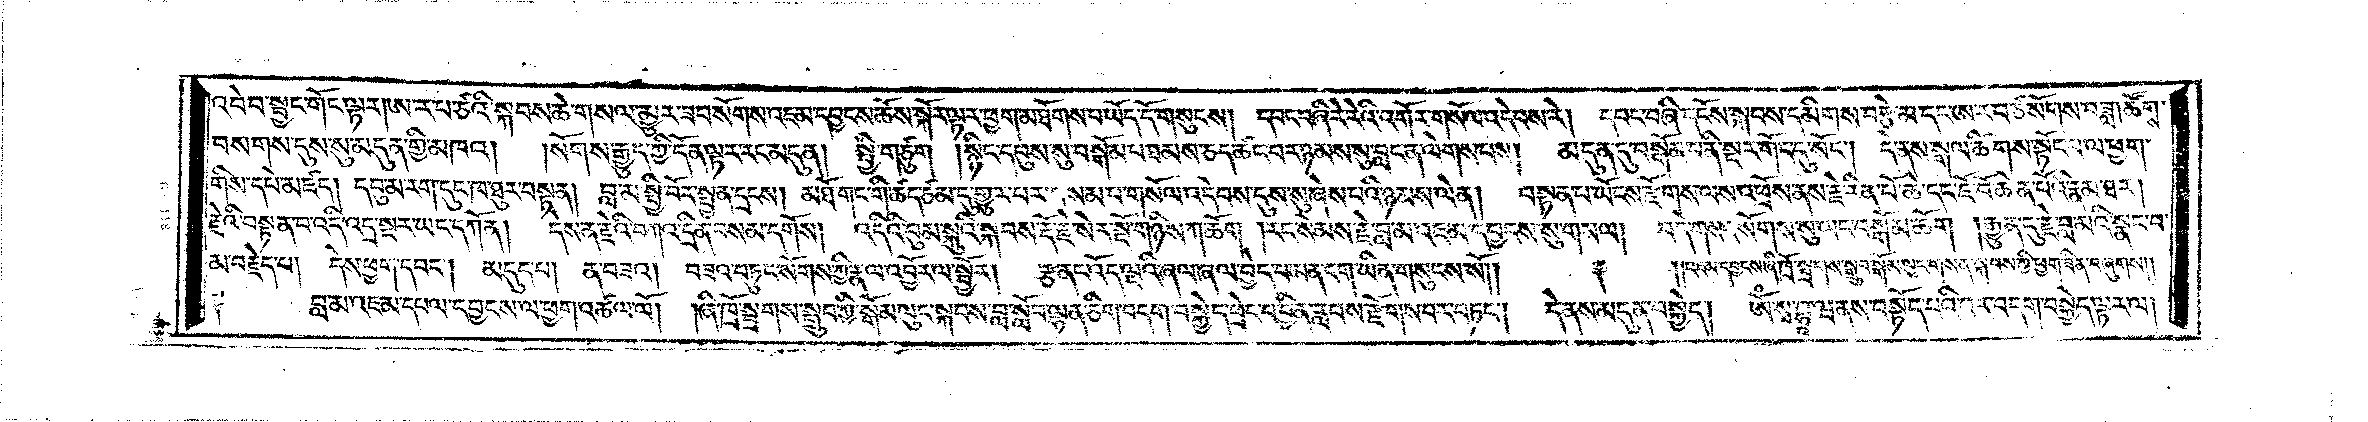འབེབ་སྦྱང་གོང་ལྟར་།ཨ་ར་པ་ཙའི་སྐབས་ཆེ་གསལ་མྱུར་ཟབ་སོགས་འཇམ་དབྱངས་ཆོས་སྐོར་ལྟར་ཕྱག་མ་ཐོགས་པ་ཡོད་དོ་གསུངས། དབང་བཞི་རེ་རེའི་འགོར་གསོལ་འདེབས་རེ། དབང་བཞི་དངོས་སྐབས་དམིགས་བརྩེ་མ་དང་ཨ་རབ་ཙ་སོགས་བཟླ་།ཚོགས་
བསགས་དུས་སུ་མདུན་གྱི་མཁའ། །སོགས་རྒྱུད་ཀྱི་དོན་ལྟར་རང་མདུན། སྤྱི་གཙུག །སྙིང་དབུས་སུ་བསྒོམ་པ་ཐམས་ཅད་ཚང་བར་ཉམས་སུ་བླང་ན་ལེགས་པས། མདུན་དུ་བསྒོམ་པ་ནི་སྔར་གོང་དུ་སོང་། དེ་ནས་སྒལ་ཚིགས་སྟོང་པ་ལ་ཕྱག་
གིས་དཔེ་མཛད། དབུ་མ་རག་དུང་ཁ་ཐུར་བསྟན། བླ་མ་སྤྱི་བོར་སྤྱན་དྲངས། མཐོ་གང་གི་ཚད་ཙམ་དུ་གྱུར་པར་བསམ་པ་གསོལ་འདེབས་དུས་སུ་ཞེས་པའི་ཉམས་ལེན། བསྟན་པ་ཡོངས་རྫོགས་ལས་འཕྲོས་ནས་རྗེ་རིན་པོ་ཆེ་དང་ཇོ་བོ་ཆེན་པོའི་རྣམ་ཐར།
རྗེའི་བསྟན་པ་འདི་འདྲ་སྔར་ཡང་དཀོན། དེས་ན་རྗེའི་བཀའ་དྲིན་བསམ་དགོས། འདིའི་བུམ་སྐུའི་སྐབས་རྡོ་རྗེ་སེར་སྔོ་གཉིས་ཀ་ཆོག །རང་སེམས་རྗེ་བླ་མ་འཇམ་དབྱངས་སུ་གསལ། བདེ་གསང་སོགས་སུ་ཡང་བསྒོམ་ཆོག །རྒྱུན་དུ་རྗེ་བླ་མའི་སྣང་བ་
མ་བརྗེད་པ། དེས་ཕྱག་དབང་། མདུད་པ། ན་བཟའ། བཟའ་བཏུང་སོགས་ཀྱི་རྣལ་འབྱོར་ལ་སྦྱོར། རྩ་ནང་འོད་ལྔའི་ཞལ་ཞལ་བྱེད་པ་མན་ངག་ཡིན་གསུངས་སོ།། ༈ །།འཇམ་དབྱངས་ཞི་ཁྲོ་སྦྲགས་སྒྲུབ་སྒོམ་ལུང་གསན་སྐབས་ཀྱི་ཕྱག་ཟིན་བཞུགས།།
༈ བླ་མ་འཇམ་དཔལ་དབྱངས་ལ་ཕྱག་འཚལ་ལོ། །ཞི་ཁྲོ་སྦྲགས་སྒྲུབ་ཀྱི་སྒོམ་ལུང་སྐབས་བླ་སློབ་ལྷན་ཅིག་བདག་བསྐྱེད་ཕྲེང་བ་བྱིན་རླབས་རྫོགས་བར་བཏང་། དེ་ནས་མདུན་བསྐྱེད། ཨོཾ་སྭ་བྷཱ་ཝ་ནས་བསྟོད་པའི་བར་བདག་བསྐྱེད་ལྟར་ལ།